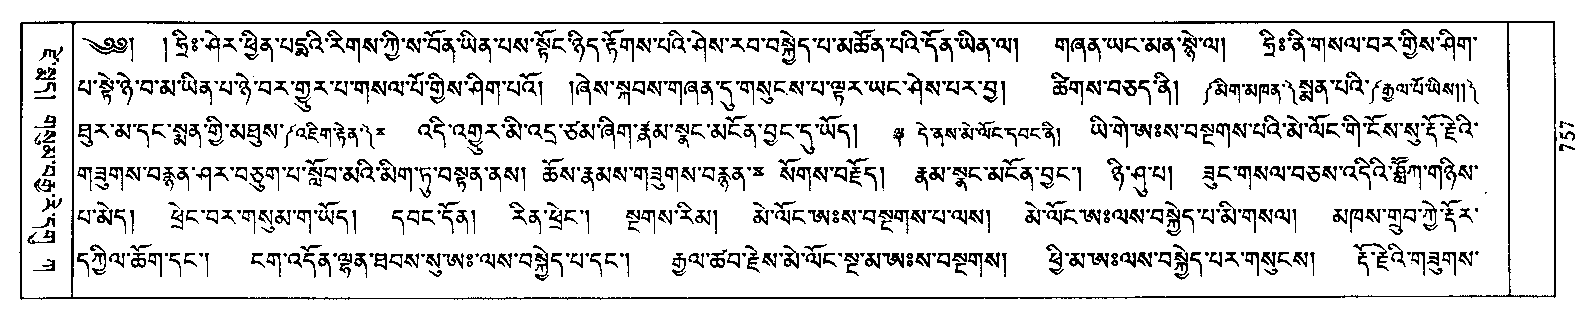༄༅། །ཧྲིཿ ཤེར་ཕྱིན་པདམའི་རིགས་ཀྱི་ས་བོན་ཡིན་པས་སྟོང་ཉིད་རྟོགས་པའི་ཤེས་རབ་བསྐྱེད་པ་མཚོན་པའི་དོན་ཡིན་ལ། གཞན་ཡང་མན་སྙེ་ལ། ཧྲིཿ ནི་གསལ་བར་གྱིས་ཤིག་
པ་སྟེ་ཉེ་བ་མ་ཡིན་པ་ཉེ་བར་གྱུར་པ་གསལ་པོ་གྱིས་ཤིག་པའོ། །ཞེས་སྐབས་གཞན་དུ་གསུངས་པ་ལྟར་ཡང་ཤེས་པར་བྱ། ཚིགས་བཅད་ནི། ༼མིག་མཁན྄་སྨན་པའི་༽རྒྱལ་པོ་ཡིས།།?
ཐུར་མ་དང་སྨན་གྱི་མཐུས་འཇིག་རྟེན྄་྾་འདི་འགྱུར་མི་འདྲ་ཙམ་ཞིག་རྣམ་སྣང་མངོན་བྱང་དུ་ཡོད། ༈ དེ་ནས་མེ་ལོང་དབང་ནི། ཡི་གེ་ཨཿ ས་བསྔགས་པའི་མེ་ལོང་གི་ངོས་སུ་རྡོ་རྗེའི་
གཟུགས་བརྙན་ཤར་བཅུག་པ་སློབ་མའི་མིག་ཏུ་བསྟན་ནས། ཆོས་རྣམས་གཟུགས་བརྙན་྾་སོགས་བརྗོད། རྣམ་སྣང་མངོན་བྱང་། ཉི་ཤུ་པ། ཟུང་གསལ་བཅས་འདིའི་ཤླཽ་ཀ་གཉིས་
པ་མེད། ཕྲེང་བར་གསུམ་ག་ཡོད། དབང་དོན། རིན་ཕྲེང་། སྔགས་རིམ། མེ་ལོང་ཨཿ ས་བསྔགས་པ་ལས། མེ་ལོང་ཨཿ ལས་བསྐྱེད་པ་མི་གསལ། མཁས་གྲུབ་ཀྱེ་རྡོར་
དཀྱིལ་ཆོག་དང་། ངག་འདོན་ལྷན་ཐབས་སུ་ཨཿ ལས་བསྐྱེད་པ་དང་། རྒྱལ་ཚབ་རྗེས་མེ་ལོང་སྔ་མ་ཨཿ ས་བསྔགས། ཕྱི་མ་ཨཿ ལས་བསྐྱེད་པར་གསུངས། རྡོ་རྗེའི་གཟུགས་